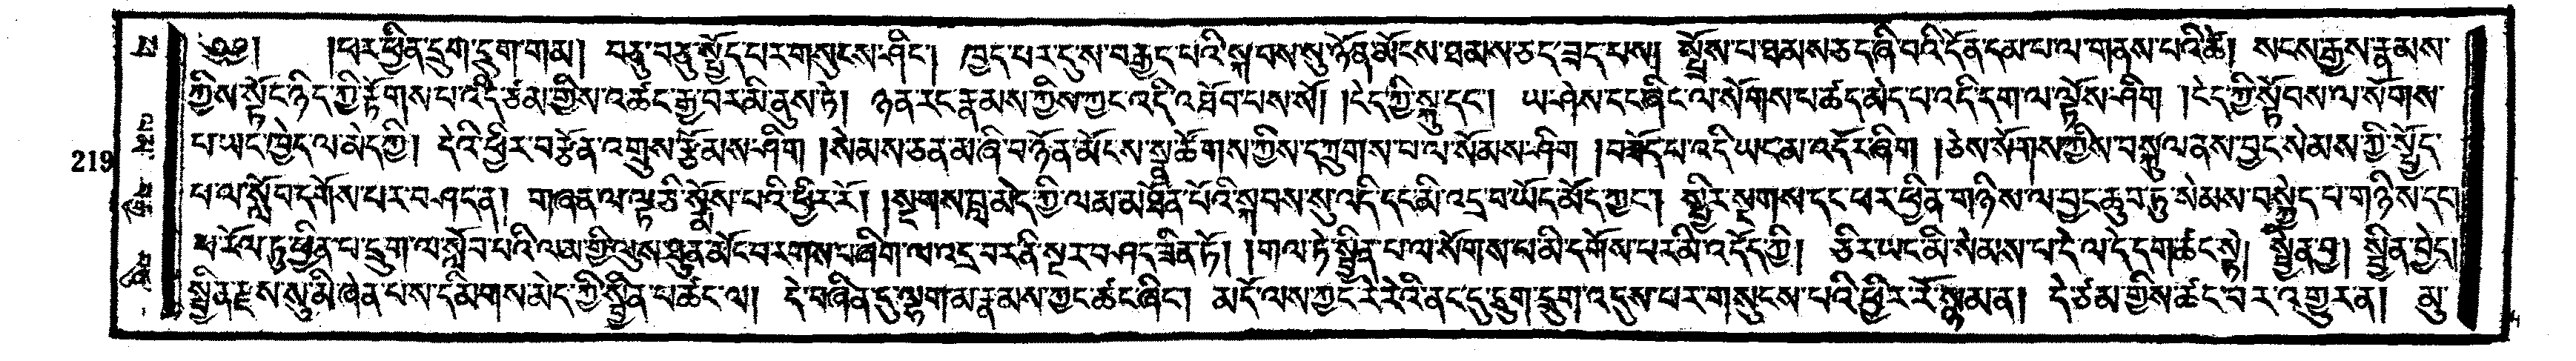༄༅། །ཕར་ཕྱིན་དྲུག་དྲུག་གམ། བཅུ་བཅུ་སྤྱོད་པར་གསུངས་ཤིང་། ཁྱད་པར་དུ་ས་བརྒྱད་པའི་སྐབས་སུ་ཉོན་མོངས་ཐམས་ཅད་ཟད་པས། སྤྲོས་པ་ཐམས་ཅད་ཞི་བའི་དོན་དམ་པ་ལ་གནས་པའི་ཚེ། སངས་རྒྱས་རྣམས་
ཀྱིས་སྟོང་ཉིད་ཀྱི་རྟོགས་པ་འདི་ཙམ་གྱིས་འཚང་རྒྱ་བར་མི་ནུས་ཏེ། ཉན་རང་རྣམས་ཀྱིས་ཀྱང་འདི་འཐོབ་པས་སོ། །ངེད་ཀྱི་སྐུ་དང་། ཡ་ཤེས་ངང་ཞིང་ལ་སོགས་པ་ཚད་མེད་པ་འདི་དག་ལ་ལྟོས་ཤིག །ངེད་ཀྱི་སྟོབས་ལ་སོགས་
པ་ཡང་ཁྱེད་ལ་མེད་ཀྱི། དེའི་ཕྱིར་བརྩོན་འགྲུས་རྩོམས་ཤིག །སེམས་ཅན་མ་ཞི་བ་ཉོན་མོངས་སྣ་ཚོགས་ཀྱིས་དཀྲུགས་པ་ལ་སོམས་ཤིག །བཟོད་པ་འདི་ཡང་མ་འདོར་ཞིག །ཅེས་སོགས་ཀྱིས་བསྐུལ་ནས་བྱང་སེམས་ཀྱི་སྤྱོད་
པ་ལ་སློབ་དགོས་པར་བཤད་ན། གཞན་ལ་ལྟ་ཅི་སྨོས་པའི་ཕྱིར་རོ། །སྔགས་བླ་མེད་ཀྱི་ལམ་མཐོན་པོའི་སྐབས་སུ་འདི་དང་མི་འདྲ་བ་ཡོད་མོད་ཀྱང་། སྤྱིར་སྔགས་དང་ཕར་ཕྱིན་གཉིས་ལ་བྱང་ཆུབ་ཏུ་སེམས་བསྐྱེད་པ་གཉིས་དང་
ཕ་རོལ་ཏུ་ཕྱིན་པ་དྲུག་ལ་སློབ་པའི་ལམ་གྱི་ལུས་ཐུན་མོང་བ་རགས་པ་ཞིག་ལ་འདྲ་བར་ནི་སྔར་བཤད་ཟིན་ཏོ། །གལ་ཏེ་སྦྱིན་པ་ལ་སོགས་པ་མི་དགོས་པར་མི་འདོད་ཀྱི། ཅིར་ཡང་མི་སེམས་པ་དེ་ལ་དེ་དག་ཚང་སྟེ། སྦྱིན་བྱ། སྦྱིན་བྱེད།
སྦྱིན་རྫས་སུ་མི་ཞེན་པས་དམིགས་མེད་ཀྱི་སྦྱིན་པ་ཚང་ལ། དེ་བཞིན་དུ་ལྷག་མ་རྣམས་ཀྱང་ཚང་ཞིང་། མདོ་ལས་ཀྱང་རེ་རེའི་ནང་དུ་དྲུག་དྲུག་འདུས་པར་གསུངས་པའི་ཕྱིར་རོ་སྙམ་ན། དེ་ཙམ་གྱིས་ཚང་བར་འགྱུར་ན། མུ་